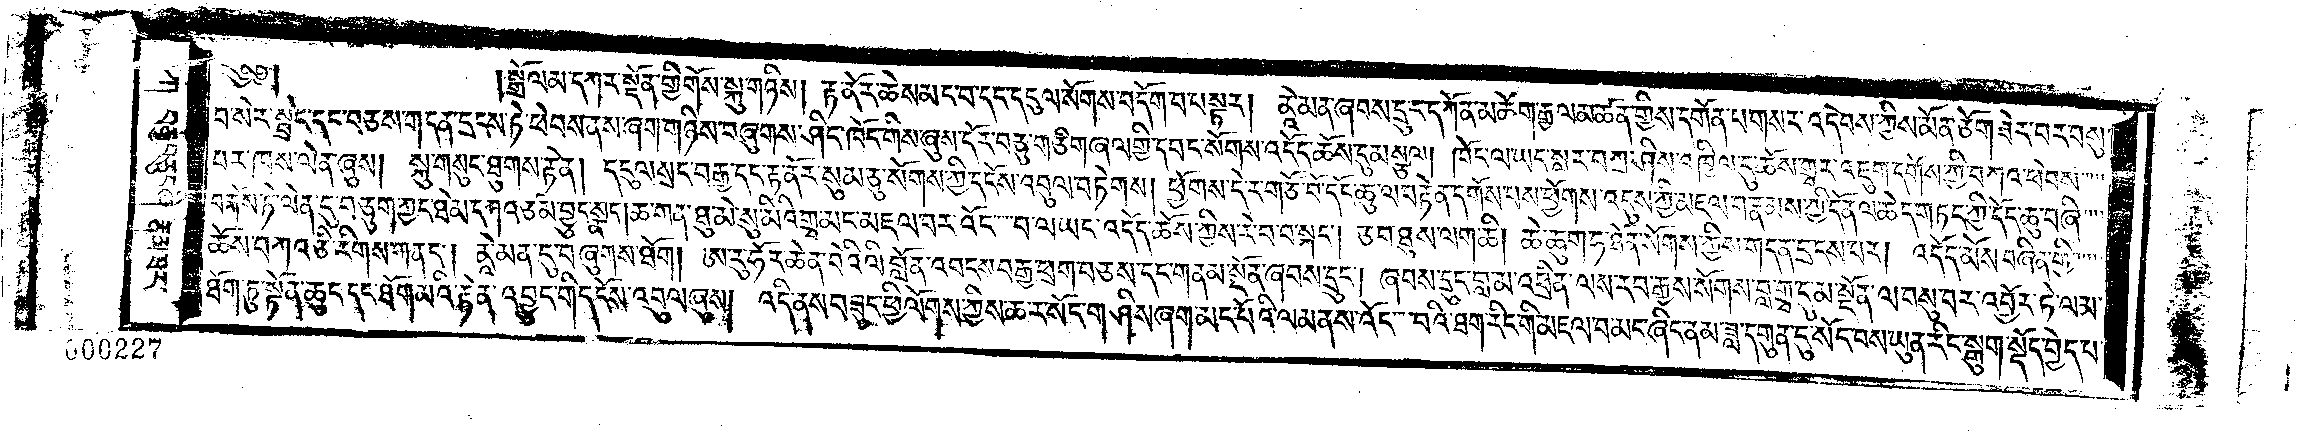༄༅། །སྒྲོལ་མ་དཀར་སྔོན་གྱི་གོས་སྐུ་གཉིས། རྟ་ནོར་ཆེས་མང་བ་དང་དངུལ་སོགས་བདོག་པ་བསྟར། ནE་མན་ཞབས་དྲུང་དཀོན་མཆོག་རྒྱལ་མཚན་གྱིས་དགོན་པ་གསར་འདེབས་ཀྱིས་མོན་ཅོག་ཟེར་བར་བསུ་
བ་སེར་སྦྲེང་དང་བཅས་གདན་དྲངས་ཏེ་ཕེབས་ནས་ཞག་གཉིས་བཞུགས་ཤིང་ཁོང་གིས་ཞུས་ངོར་བཅུ་གཅིག་ཞལ་གྱི་དབང་སོགས་འདོད་ཆོས་དུ་མ་སྩལ། ཁོང་ལ་ཡང་སླར་བཀྲ་ཤིས་འཁྱིལ་དུ་ཆོས་གྲྭར་འཇུག་དགོས་ཀྱི་བཀའ་ཕེབས་
པར་ཁས་ལེན་ཞུས། སྐུ་གསུང་ཐུགས་རྟེན། དངུལ་སྲང་བརྒྱ་དང་རྟ་ནོར་སུམ་ཅུ་སོགས་ཀྱི་དངོས་འབུལ་བཏེགས། ཕྱོགས་དེར་གཙོ་བོ་དོང་ཆུ་ལ་བརྟེན་དགོས་པས་ཕྱོགས་འདུས་ཀྱི་མཇལ་བ་རྣམས་ཀྱི་དོན་ལ་ཆེད་གཏད་ཀྱི་དོང་ཆུ་བཞི་
བརྐོས་ཏེ་ལེན་དུ་བཅུག་ཀྱང་ཐེམ་དཀའ་ཙམ་བྱུང་སྣང་། ཆ་གན་ཐུ་མེ་སུ་མིའི་གྲྭ་མང་མཇལ་བར་འོང་བ་ལ་ཡང་འདོད་ཆོས་ཀྱིས་རེ་བ་བསྐང་། ཅབ་ཐུ་ས་ལག་ཅི། ཆེ་ཆུག་ཧ་ཐོན་སོགས་ཀྱིས་གདན་དྲངས་པར། འདོད་མོས་བཞིན་གྱི་
ཆོས་བཀའ་ཅི་རིགས་གནང་། ནE་མན་དུ་བཞུགས་ཐོག། ཨ་དུ་ཧོར་ཆེན་པོའི་ལི་བློན་འབངས་བརྒྱ་ཕྲག་བཅས་དང་གནམ་སྔོན་ཞབས་དྲུང་། ཞབས་དྲུང་བླ་མ་འཕྲིན་ལས་རབ་རྒྱས་སོགས་བླ་གྲྭ་དུ་མ་སྔོན་ལ་བསུ་བར་འབྱོར་ཏེ་ལམ་
ཐོག་ཏུ་སྟོན་ཆུང་དང་ཐོག་མའི་རྟེན་འབྱུང་གི་དངོས་འབུལ་ཞུས། འདི་ནས་བཟུང་ཕྱི་ལོགས་ཀྱི་ས་ཆར་སོང་གཤིས་ཞག་མང་པོའི་ལམ་ནས་འོང་བའི་ཐག་རིང་གི་མཇལ་བ་མང་ཞིང་ནམ་ཟླ་དགུན་དུ་སོང་བས་ཡུན་རིང་སྒུག་སྡོད་བྱེད་པ་